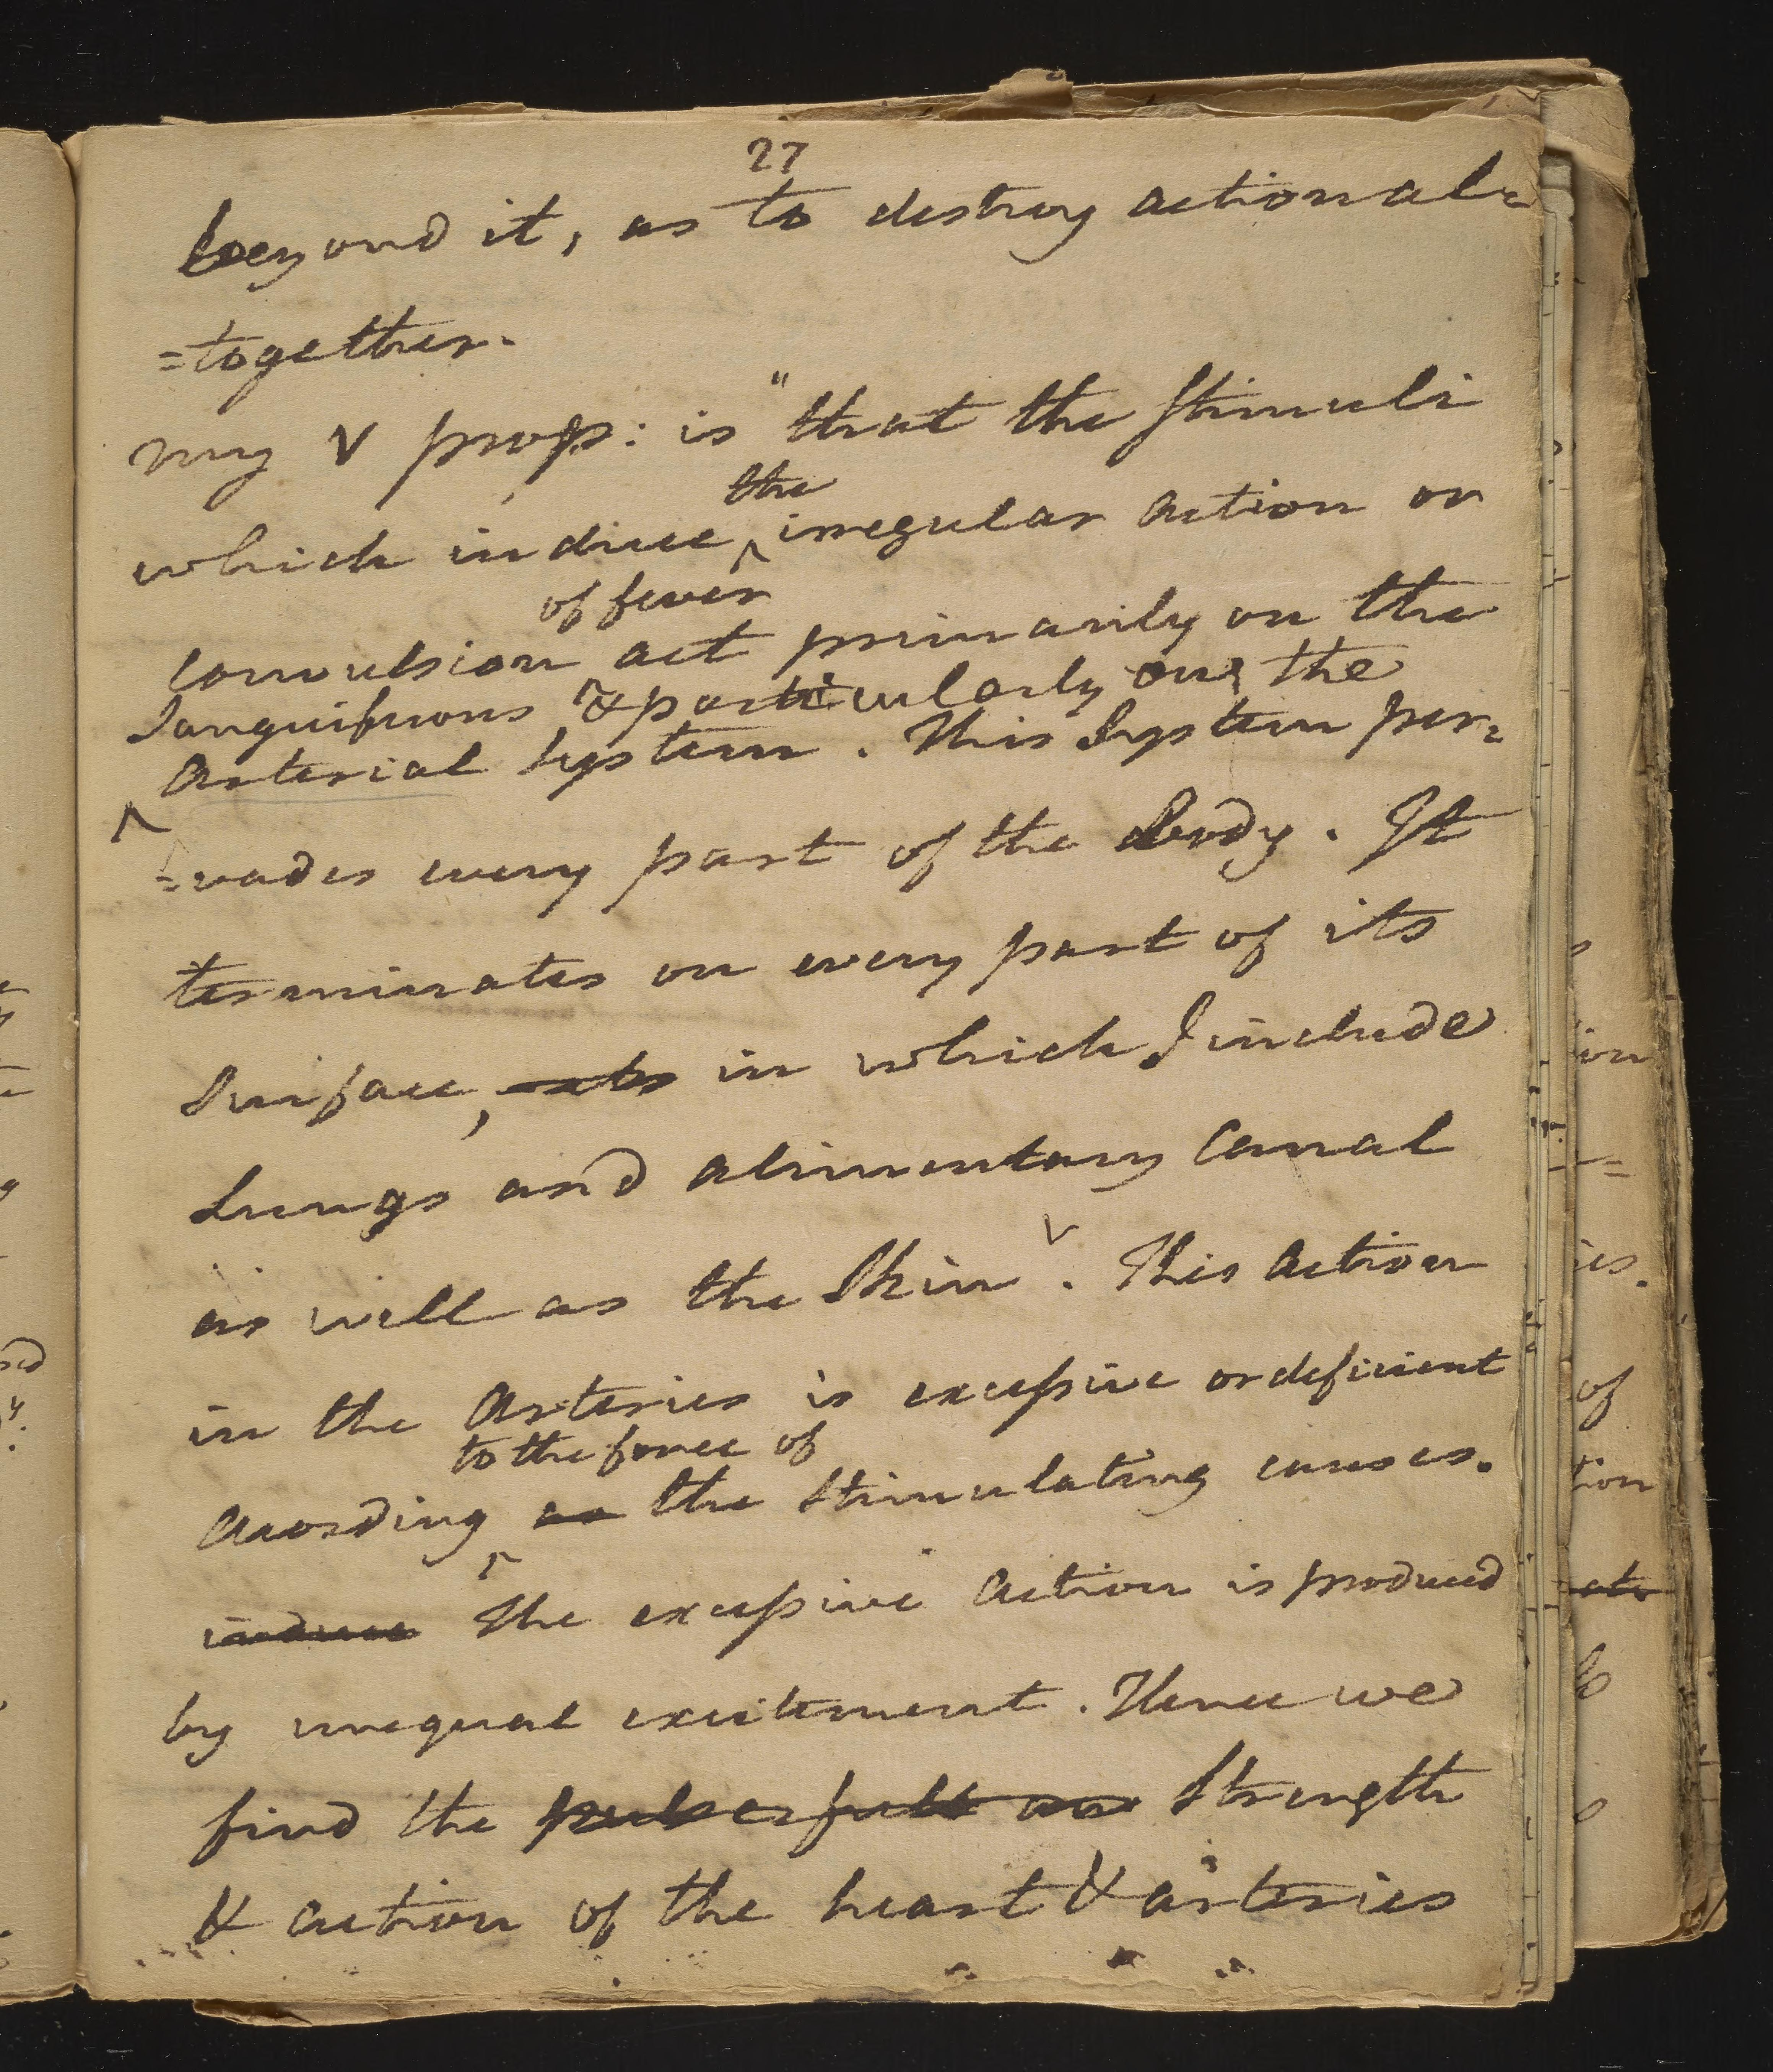27
beyond it, as to destroy action al-
-together.
my V prop: is "that the stimuli
the
which increase ^ irregular action or
of fever
convulsion ^ act primarily on the
sanguiferous & particularly on the
^ arterial system. This system per-
suades every part of the body. It
terminates on every part of its
surface, in which I include
lungs and alimentary canal
as well as the skin. This action
in the arteries is excessive or deficient
to the force of
according ^ the stimulating causes
[______] The excessive action is produced
by unequal excitement. Hence we
find the [pulse full an] strength
& action of the heart & arteries